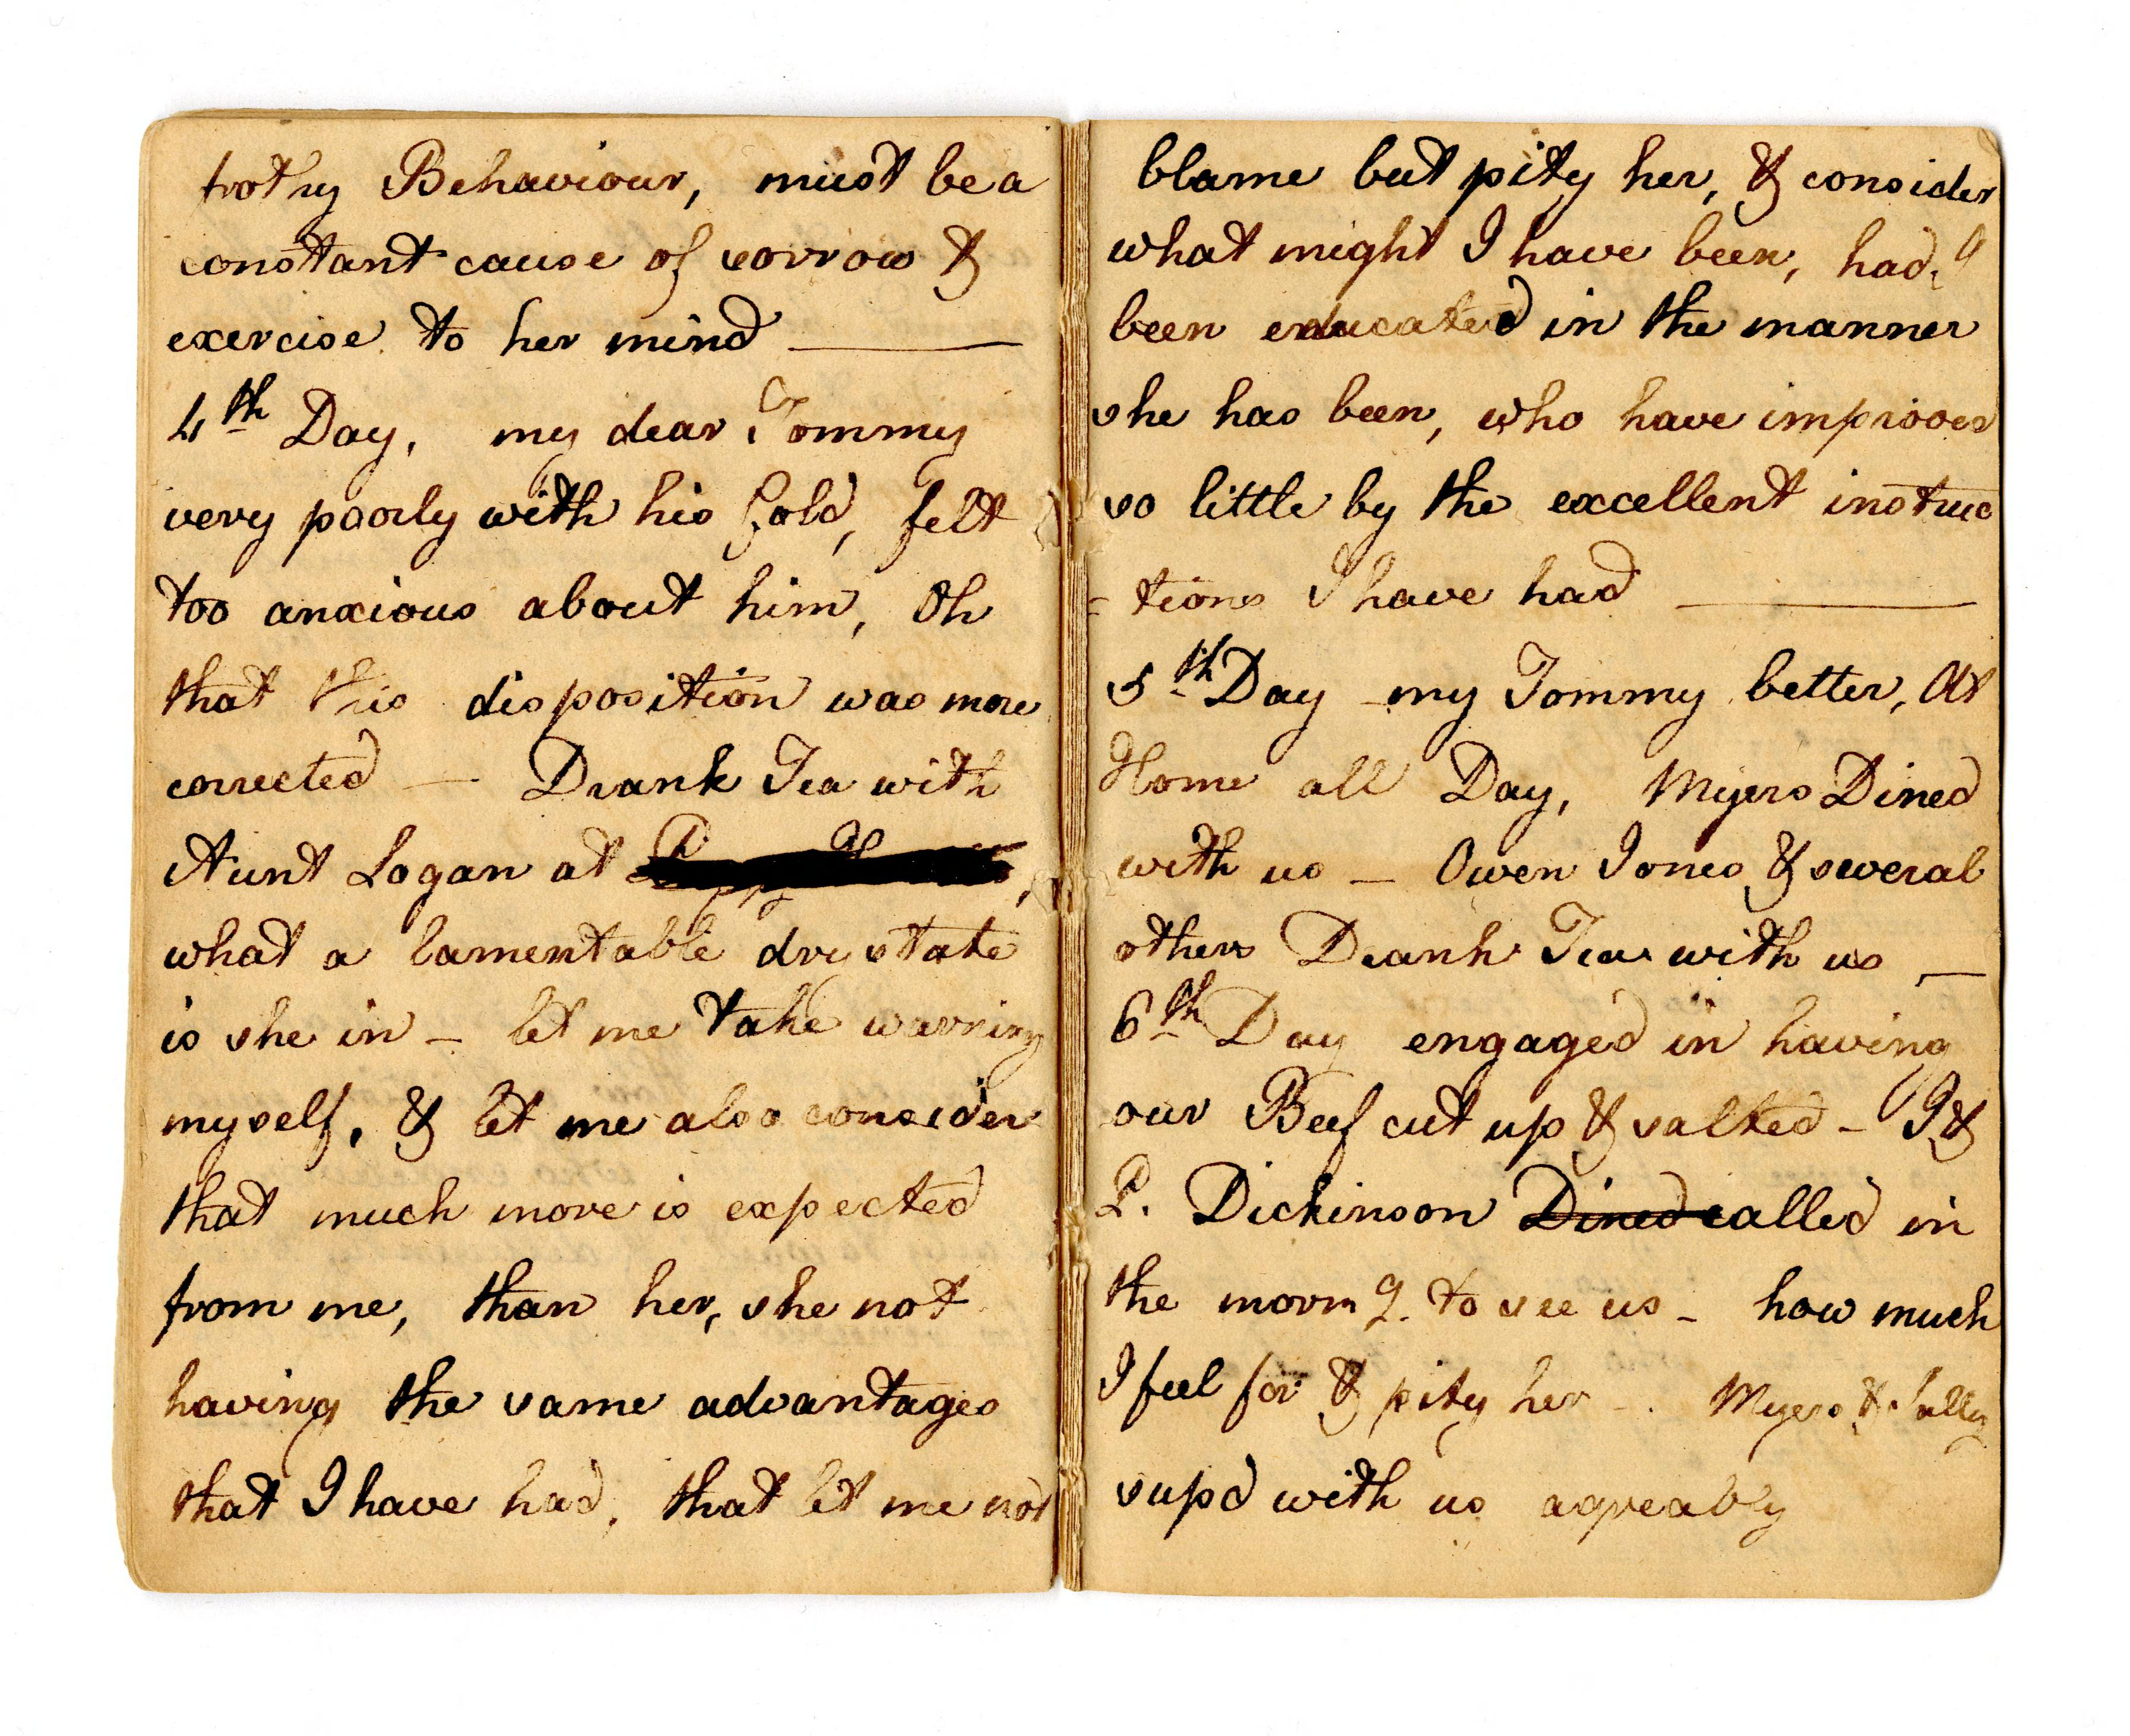trotry Behaviour, mast be a
constant cause of sorrow &
exercise to her mind-
4^th Day, my dear Tommy
very poorly with his Cold, felt
too anxious about him, Oh
that this disposition was more
corrected- Drank Tea with
Aunt Logan at [__________]
what a lamentable dry state
is she in- let me take warning
myself, & let me also consider
that much more is expected
from me, than her, she not
having the same advantages
that I have had, that let me not
blame but pity her, & consider
what might I have been, had I
been educated in the manner
she has been, who have improved
so little by the excellent instruc
-tions I have had-
5^th Day- my Tommy better, At
Home all Day, Myers Dined
with us- Owen Jones, & several
others Drank Tea with us-
6^th Day. engaged in having
our Beef cut up & salked- I&
P. Dickinson [Dined] called in
the morn^g to see us- how much
feel for & pity her-. Myers & Sally
supd with us agreably